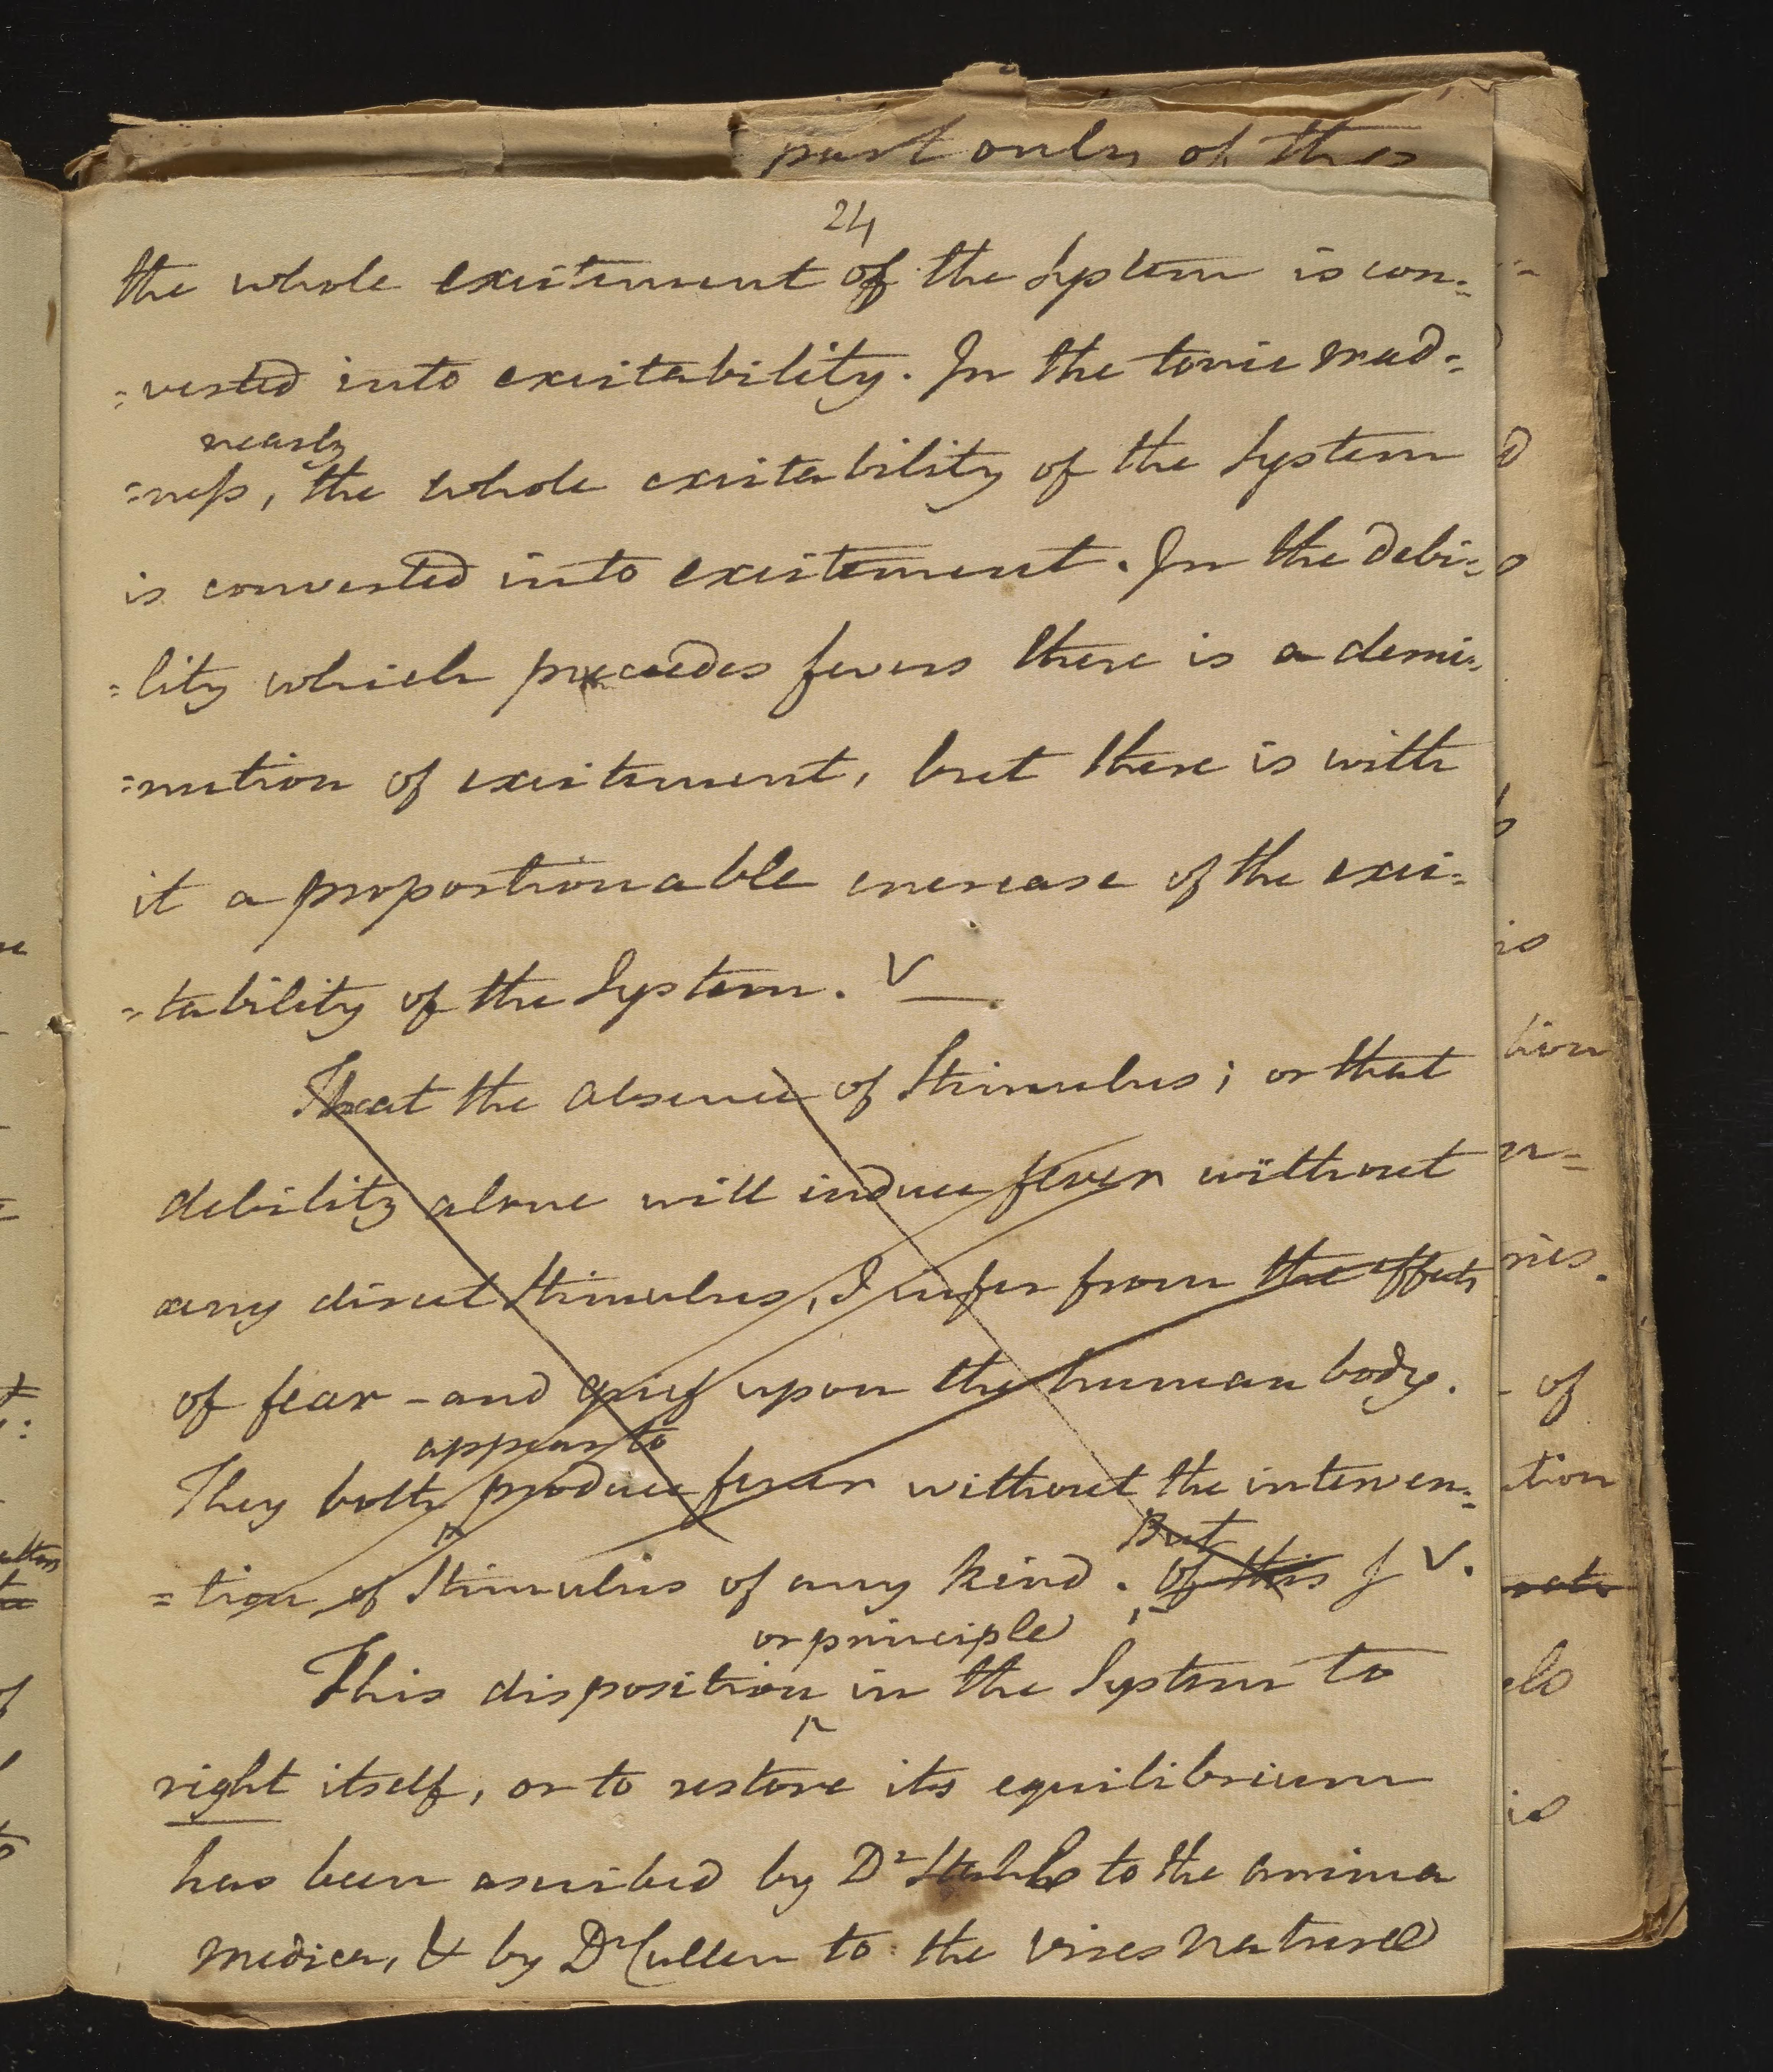24
the whole excitement of the system is con-
-verted into excitability. In the torris mad-
nearly
-ness, the whole excitability of the System
is converted into excitement. In the debi-
-lity which precedes fevers there is a dimi-
-nuation of excitement, but there is with
it a propositionable encrease of the exci-
-tability of the system. V
That the absence of Stimulus; or that
debility alone will induce fever without
any direct Stimulus, I infer from the effects
of fear- and grief upon the human body
appear to
They both ^ produce fever without the interven-
But
-tion of Stimulus of any kind. [Of this] I V.
or principle
This disposition ^ in the System to
right itself, or to restore its equilibrium
has been ascribed by D^r Stubbs to the anima
medica, & by D^r Cullen to the vises naturae